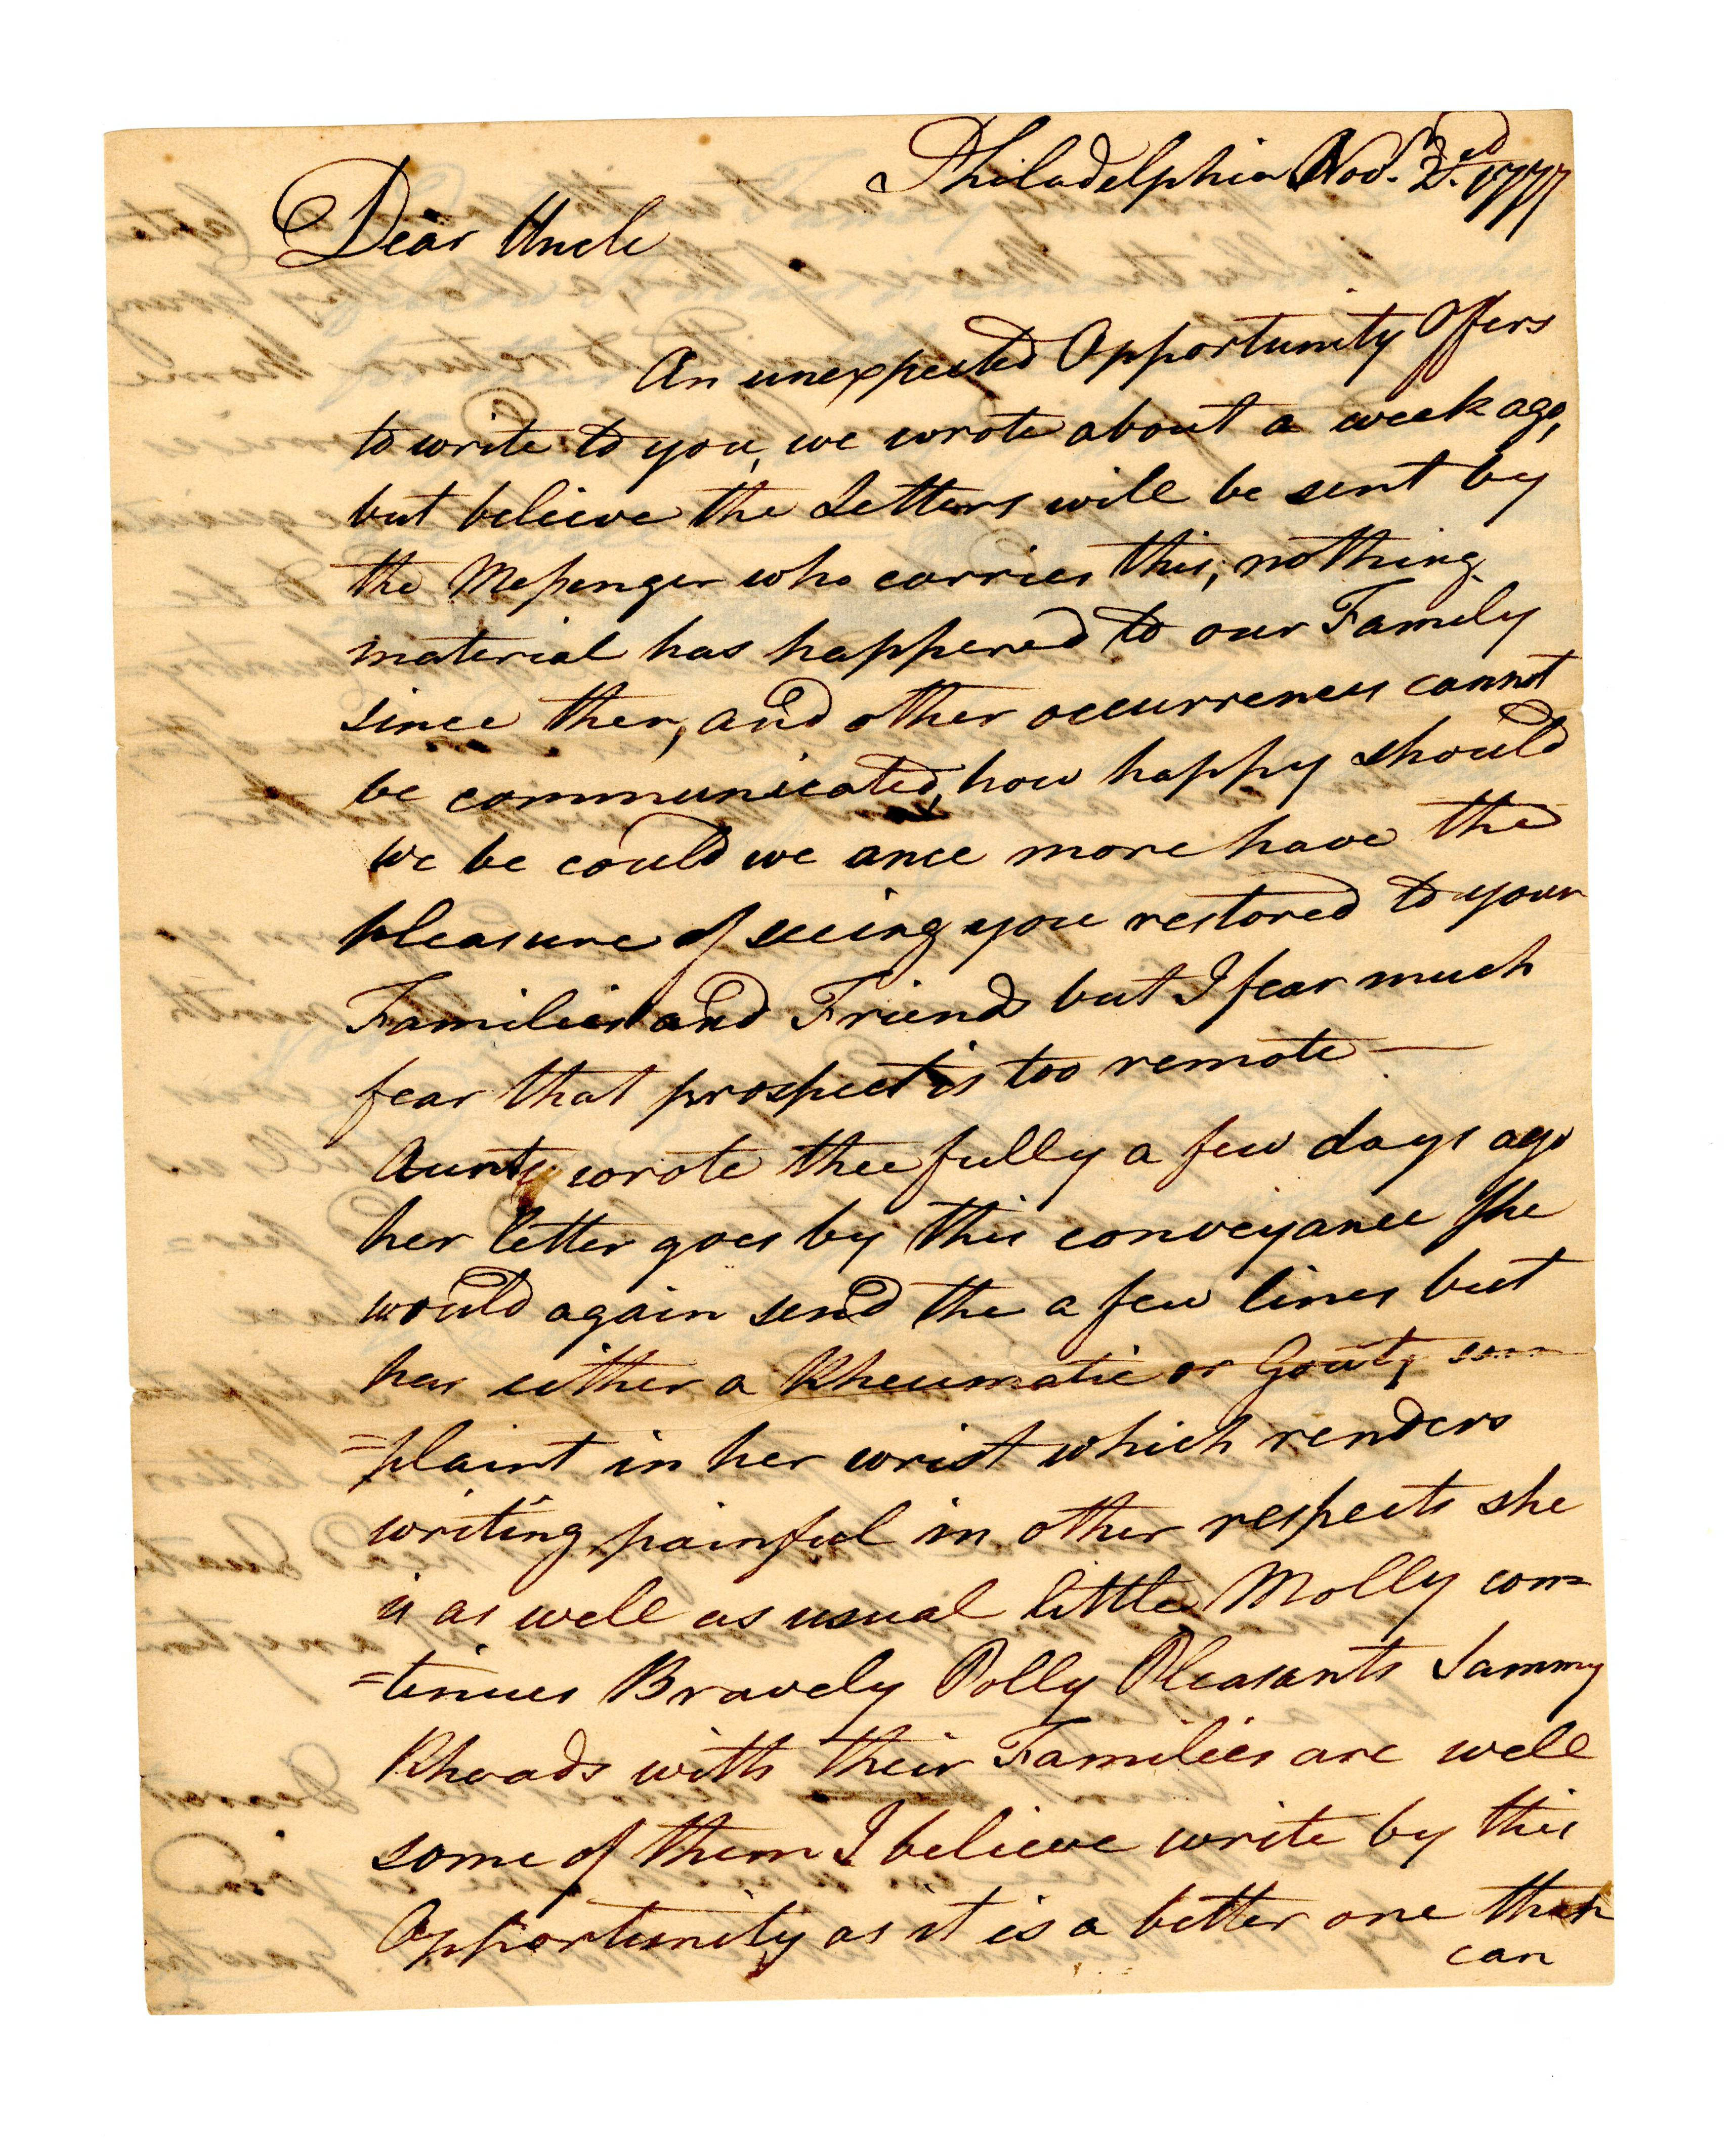Philadelphia Nov^r. 2^nd. 1777
Dear Uncle
An unexpected Opportunity Offers
to write to you, we wrote about a week ago,
but believe the Letters will be sent by
the Messenger who carries this; nothing
material has happened to our Family
since then, and other occurrences cannot
be communicated, how happy should
we be could we once more have the
pleasures of seeing you restored to your
Families and Friends but I fear much
fear that prospect is too remote-
Aunt wrote thee fully a few days ago
her letter goes by this conveyance she
would again send the a few lines but
has either a Rheumatic or Gouty com-
-plaint in her wrist which renders
writing painful in other respects she
is as well as usual little Molly con-
-tinues Bravely Polly Pleasants Sammy
Rhoads with their Families are well
some of them I believe write by this
Opportunity as it is a better one than
can